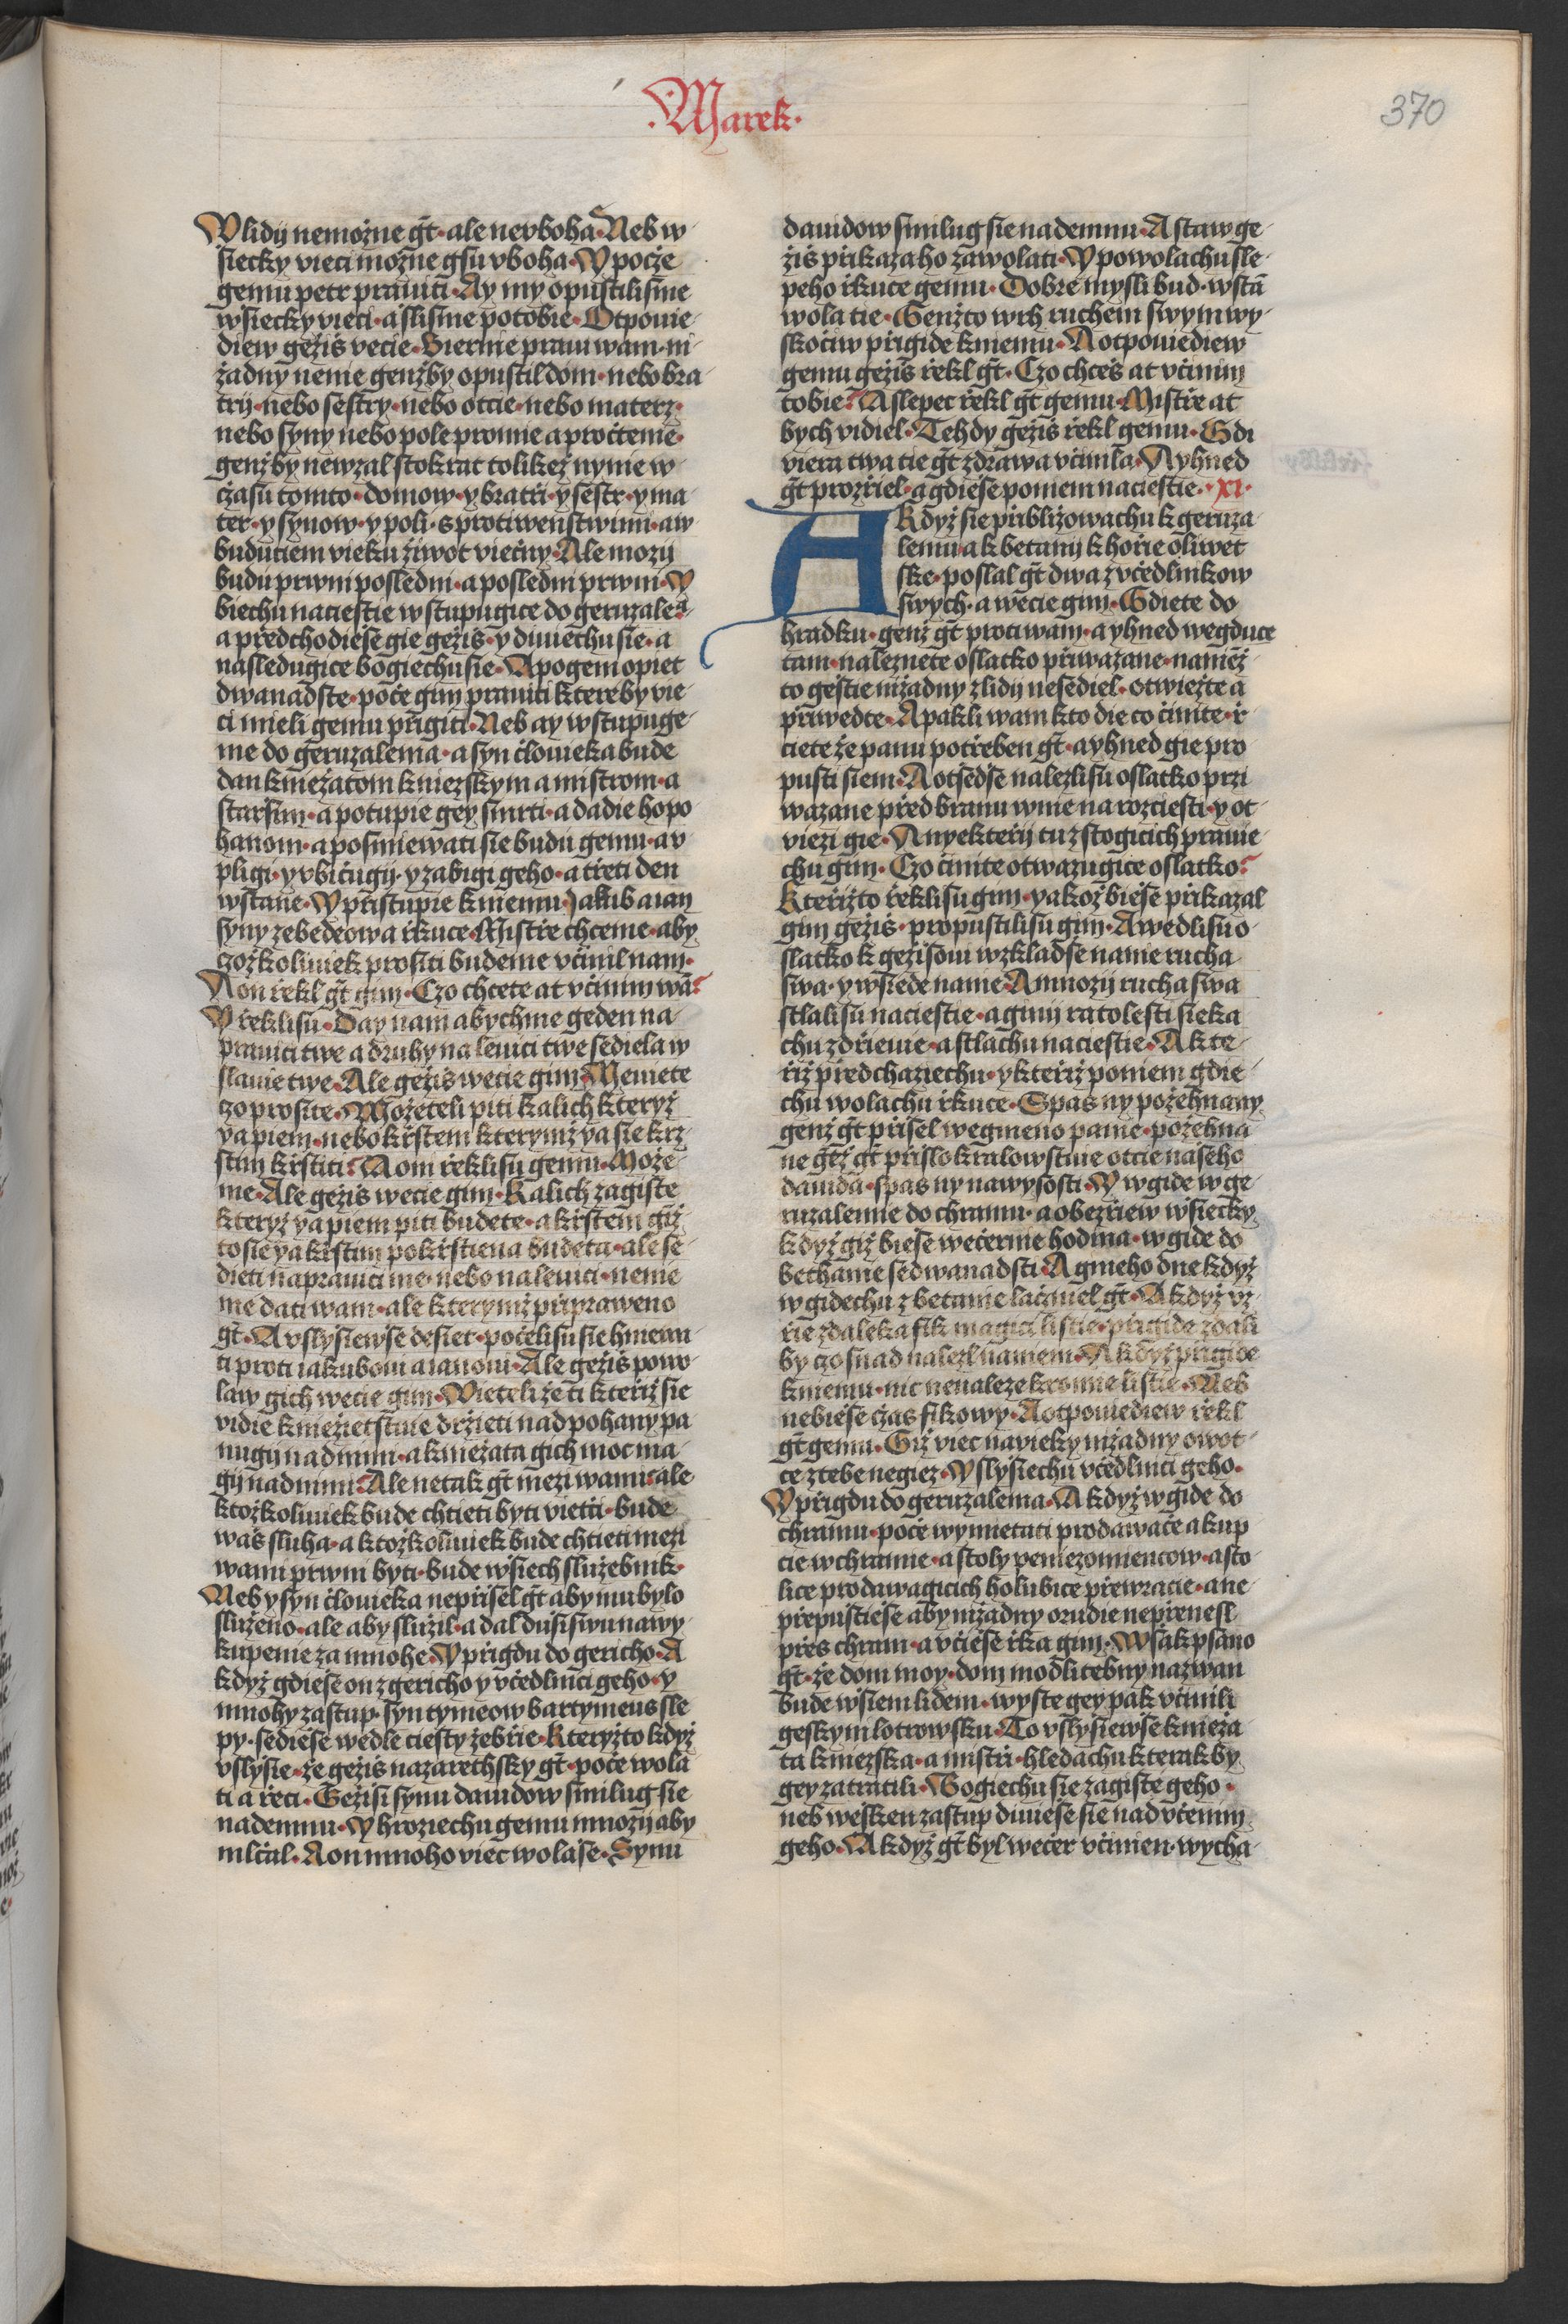U lidij nemożné ḡt. ale ne vboha. Neb w¬
ẛiecky vieci možne gſu vboha.Y pocże¬
gemu petr prauiti. Ay my opuſtili ſme
wẛiecky vieci.a ẛli ſme potobie.Otpouie¬
diew geżiṡ vecie.Viernie praui wam ni¬
żadny neníe genżby opuſtil dóm.nebo bra¬
try.nebo ſeſtry.nebo otcie.nebo materz.
nebo ſyny nebo pole pro mnie proċtenie.
genż by newzal ſtokrat tolikeż nyníe w¬
cżaſu tomto.domow.y bratṙi.y ſeſtr.y ma¬
ter.y ſynow.y polí.s protiwenſtwími.a w
buduciem vieku żiwot vieċny.Ale mozij
budú prwní poſlední.a poſlední prwní.Y
biechu na cieſtie wſtupugice do geruzalea
a pṙedchodíeẛe gie geżíṡ.y diuíechu ſie.a
naſledugíce bogíechu ſie. A pogem opiet¬
dwanadſte.poċe gím prauiti kteréby vie
ci mieli gemu pṙigíti.Neb ay wſtupuge¬
me do geruzalema.a ſyn ċlouíeka bude
dan kníežatonu kniezſkym a miſtrom.a
ſtarẛim.a potupíe gey ſmrti.a dadíe ho po¬
hanom.a poſmiewati ſie budú gemu.a v¬
pligí.yvbičugij.y zabigí geho.a tṙetí den
wſtane.Y priſtupie k níemu.Iakub a ian
ſyny zebedeowa ṙkuce.Miſtṙe chceme.aby
czożkoliuiek proſiti budeme vċinil nam.
A on ṙekl ḡt gim.Czo chcete at vċíním wā?
Y ṙekli ſu.Day nam abychme geden na¬
prauiti twe a druhy na leuici twe ſediela w¬
ſlauie twe.Ale geżiṡ wecie gim.Neuíete
czo proſite.Možeteli píti kalich kteryż
ya píem.nebo křſtem kterýmž ya ſíe krz¬
ſtím kṙſtiti?A oni ṙekli ſu gemu.Może¬
me.Ale geżíṡ weċie gim.Kalich zagiſte
kteryž ya píem piti budete.a kṙſteni giż
to ſíe ya kṙſtím pokṙẛtiena budeta.ale ſe¬
dieti na prauici me.nebo naleuiti.neníe
mé dati vam.ale kterymż pṙipraweno
ḡt.A vſlyẛíewẛe deſiet.poċeliſu ſie hniewa¬
ti priti iakuboui a ianoui.Ale gežíš powo¬
law gich wecie gim.Víeteli że ti kteṙiż ſie
vídíe kníeżietſuíe drżieti nadpohany pa¬
nugij nadnimi.a knieżata gich moc ma¬
gij nad nimi?Ale ne tak ḡt mezi wami?ale
ktożkoluiek bude chtieti byti vietċi.bude
waš ſluha.a ktozkoliuiek bude chtíeti mezi
wamí prwni byti.bude wẛiech ſlużebník.
Neb y ſyn ċlouieka nepṙiẛel ḡt aby mu bylo
ſluženo.ale aby ſlužil. a dal duẛi ſwu na wy¬
kupenie za mnohé.Y pṙigdu do gericho.A
když gdíeẛe on z gericho y vċedlníci geho.y
mnohy zaſtup ſyn tymeow bartymeus ſle¬
py.ſedíeẛe wedle cieſty žebṙie.Kterýżto kdyż
vſlyẛíe.że geżíṡ nazarethſky ḡt poce wola¬
ti a ṙeci.Geżiẛi ſynu dawidow ſmilug ſie
nade mnu.Y hroziechu gemu mnozij aby
mlċal.A on mnoho wiec wolaẛe.Synu
dauidow ſmilug ſie nade mnu.A ſtaw ge¬
żiṡ pṙikaza ho zawolati.Y powolachu ſle¬
peho ṙkuce gemu.Dobre myſli bud.wſtā
wola tie.Genżto vrh ruchem ſwym wy¬
ſkoċiw pṙigide k niemu.A otpouiediew
gemu geżíṡ ṙekl ḡt.Czo chceṡ at vċinim
tobie?A ſlepec ṙekl ḡt gemu.Miſtṙe at
bych vidiel.Tehdy geżíṡ ṙekl gemu.Gdi
víera twa tie ḡt zdrawa vċinila.A yhned
ḡt prozṙiel.a gdíeẛe po niem nacieſtie. xi.
Když ſie pṙibliżowachu k geruza¬
lemu.a k betanij k hoṙie oliwet¬
ſke.poſlal ḡt dwa zvċedlnikow
ſwych.a wecie gím.Gdiete do¬
hradku.genż ḡt proti wam a yhned wegduce
tam.naleznete oſlatko přiwazane. naniēż
to geẛtie niżadný z lidij neſediel.otwieżte a
pṙiwedte.A pakli wam kto die to ċinite.ṙ¬
ciete że panu potṙeben ḡt.a yhned gie pro¬
puſti ſiem.A otẛedẛe nalezli ſu oſlatko przi¬
wazane pṙed branú wníe na rozcieſti.y ot¬
viezí gie.A nyekteṙij tu zſtogicich prauie¬
chu gím.Czo ċinite otwázugíce oſlatko?
Kteṙížto ṙekli ſu gim.yakož bíeẛe pṙikazal
gím geżíṡ.propuſtili ſu gim.A wedliſu o¬
ſlatko k geżíẛoui wzkladẛe naníe rucha
ſwa.y wſiede na nie.A mnozij rucha ſwa
ſtlali ſu nacieſtie.a ginij ratoleſti ſieka¬
chu zdṙíeuíe.a ſtlachu na cieſtie.A kte¬
ṙiż pṙedchaziechu.y kteříž poniem gdie¬
chu volachu ṙkuce.Spas ny požehnany
genž ḡt pṙiẛel we gmeno paníe.požehna¬
ne gēż ḡt pṙiẛle kralowſtine otcie naẛeho.
dauida.ſpas ny wyſoſti.Yvgde w ge¬
ruzalemie do chramu.a obezṙiew wẛiecky
kdyż giż bíeẛe weċernie hodina.wgide do¬
bethaníe ſe dwanadſti.A gmeno dne když
wgidechu zetaya élaċaziel gt.A když vz¬
ṙíe ža leka fik. n a x.xẛikaz AŻko
by ce ſia A alezl naunevlia.AKkuK2 lgi ze¬
kniemu.Mixti ekleže kea lei ſull.)kst.
nebíeẛe Żat ſikowy.Koto.elieei Žk.l.
ḡt gemu.Giž víec navieky niżadny owot¬
ce ztebe negiez.Y ſlyẛiechu vċednici geho.
Y pṙigdu do geruzalema.A kdyż vgíde do
chramu poċe wymietati prodawaċe a kup¬
cie v chramíe a ſtoly peníezomiemcow a ſto¬
lice prodawagicích holubice pṙewracie.ane¬
pṙepuẛtíeẛe aby niżadny orudíe nepṙeneſl
pṙes chram.a vċíeẛe ṙka gím.Wẛak pſano
ḡt.že dóm moy.dom modlitebny nazwan
bude wẛiem lidem.wyſte gey pak vċinili
geſkyni lotrowſku.To vſlyẛiewẛe knieża¬
ta kniezſka.a miſtṙi.hledachu kterak by
gey zatratili.Bogíechu ſie zagiſté geho.
neb weẛken zaſtup diuíeſe ſie nad vċením
geho.A když ḡt byl weċer vċinien.wycha¬